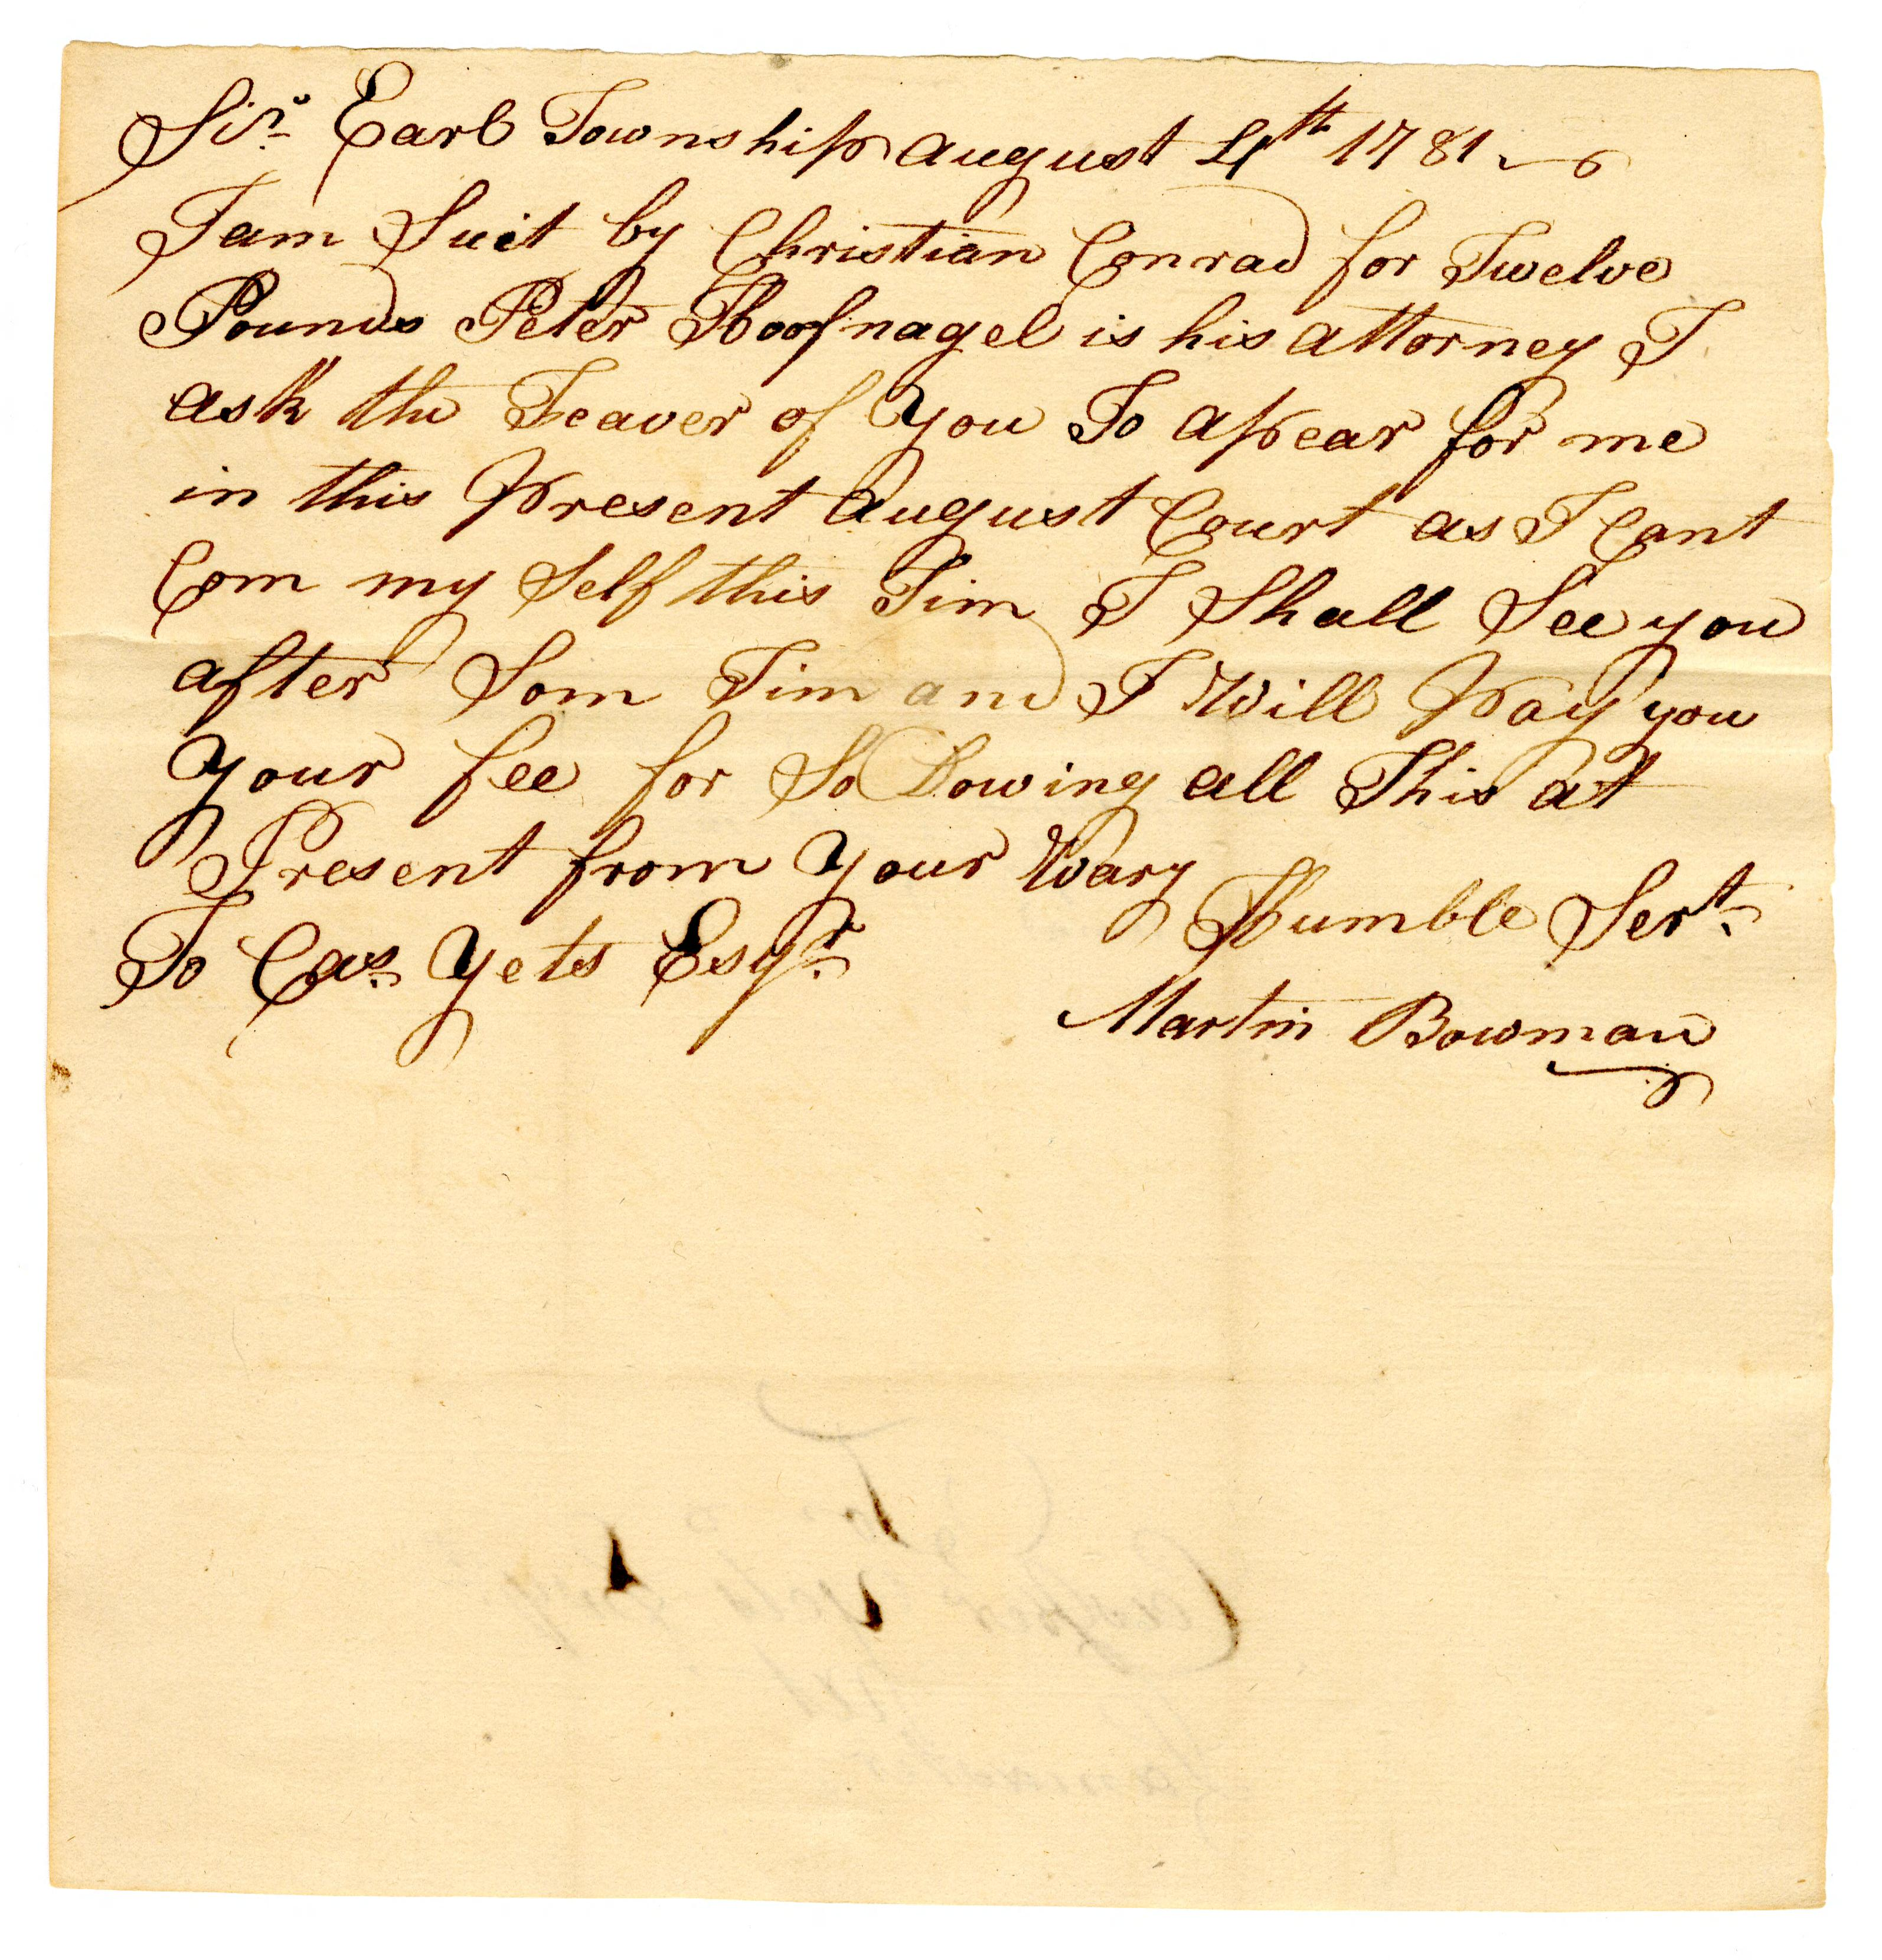Sir Earl Township august 4^th 1781
I am Suit by Christian Conrad for Twelve
Pounds Peter Hoofnagel is his attorney I
ask the Feaver of You To apear for me
in this Present August Court as I Cant
Com my Self this Tim I Shall See you
after Som Tim and I Will pay you
Your fee for So Dowing all This at
Present from Your Wary
Humble Ser^t
Martin Bowman
To Cas. Yetes Esq^r